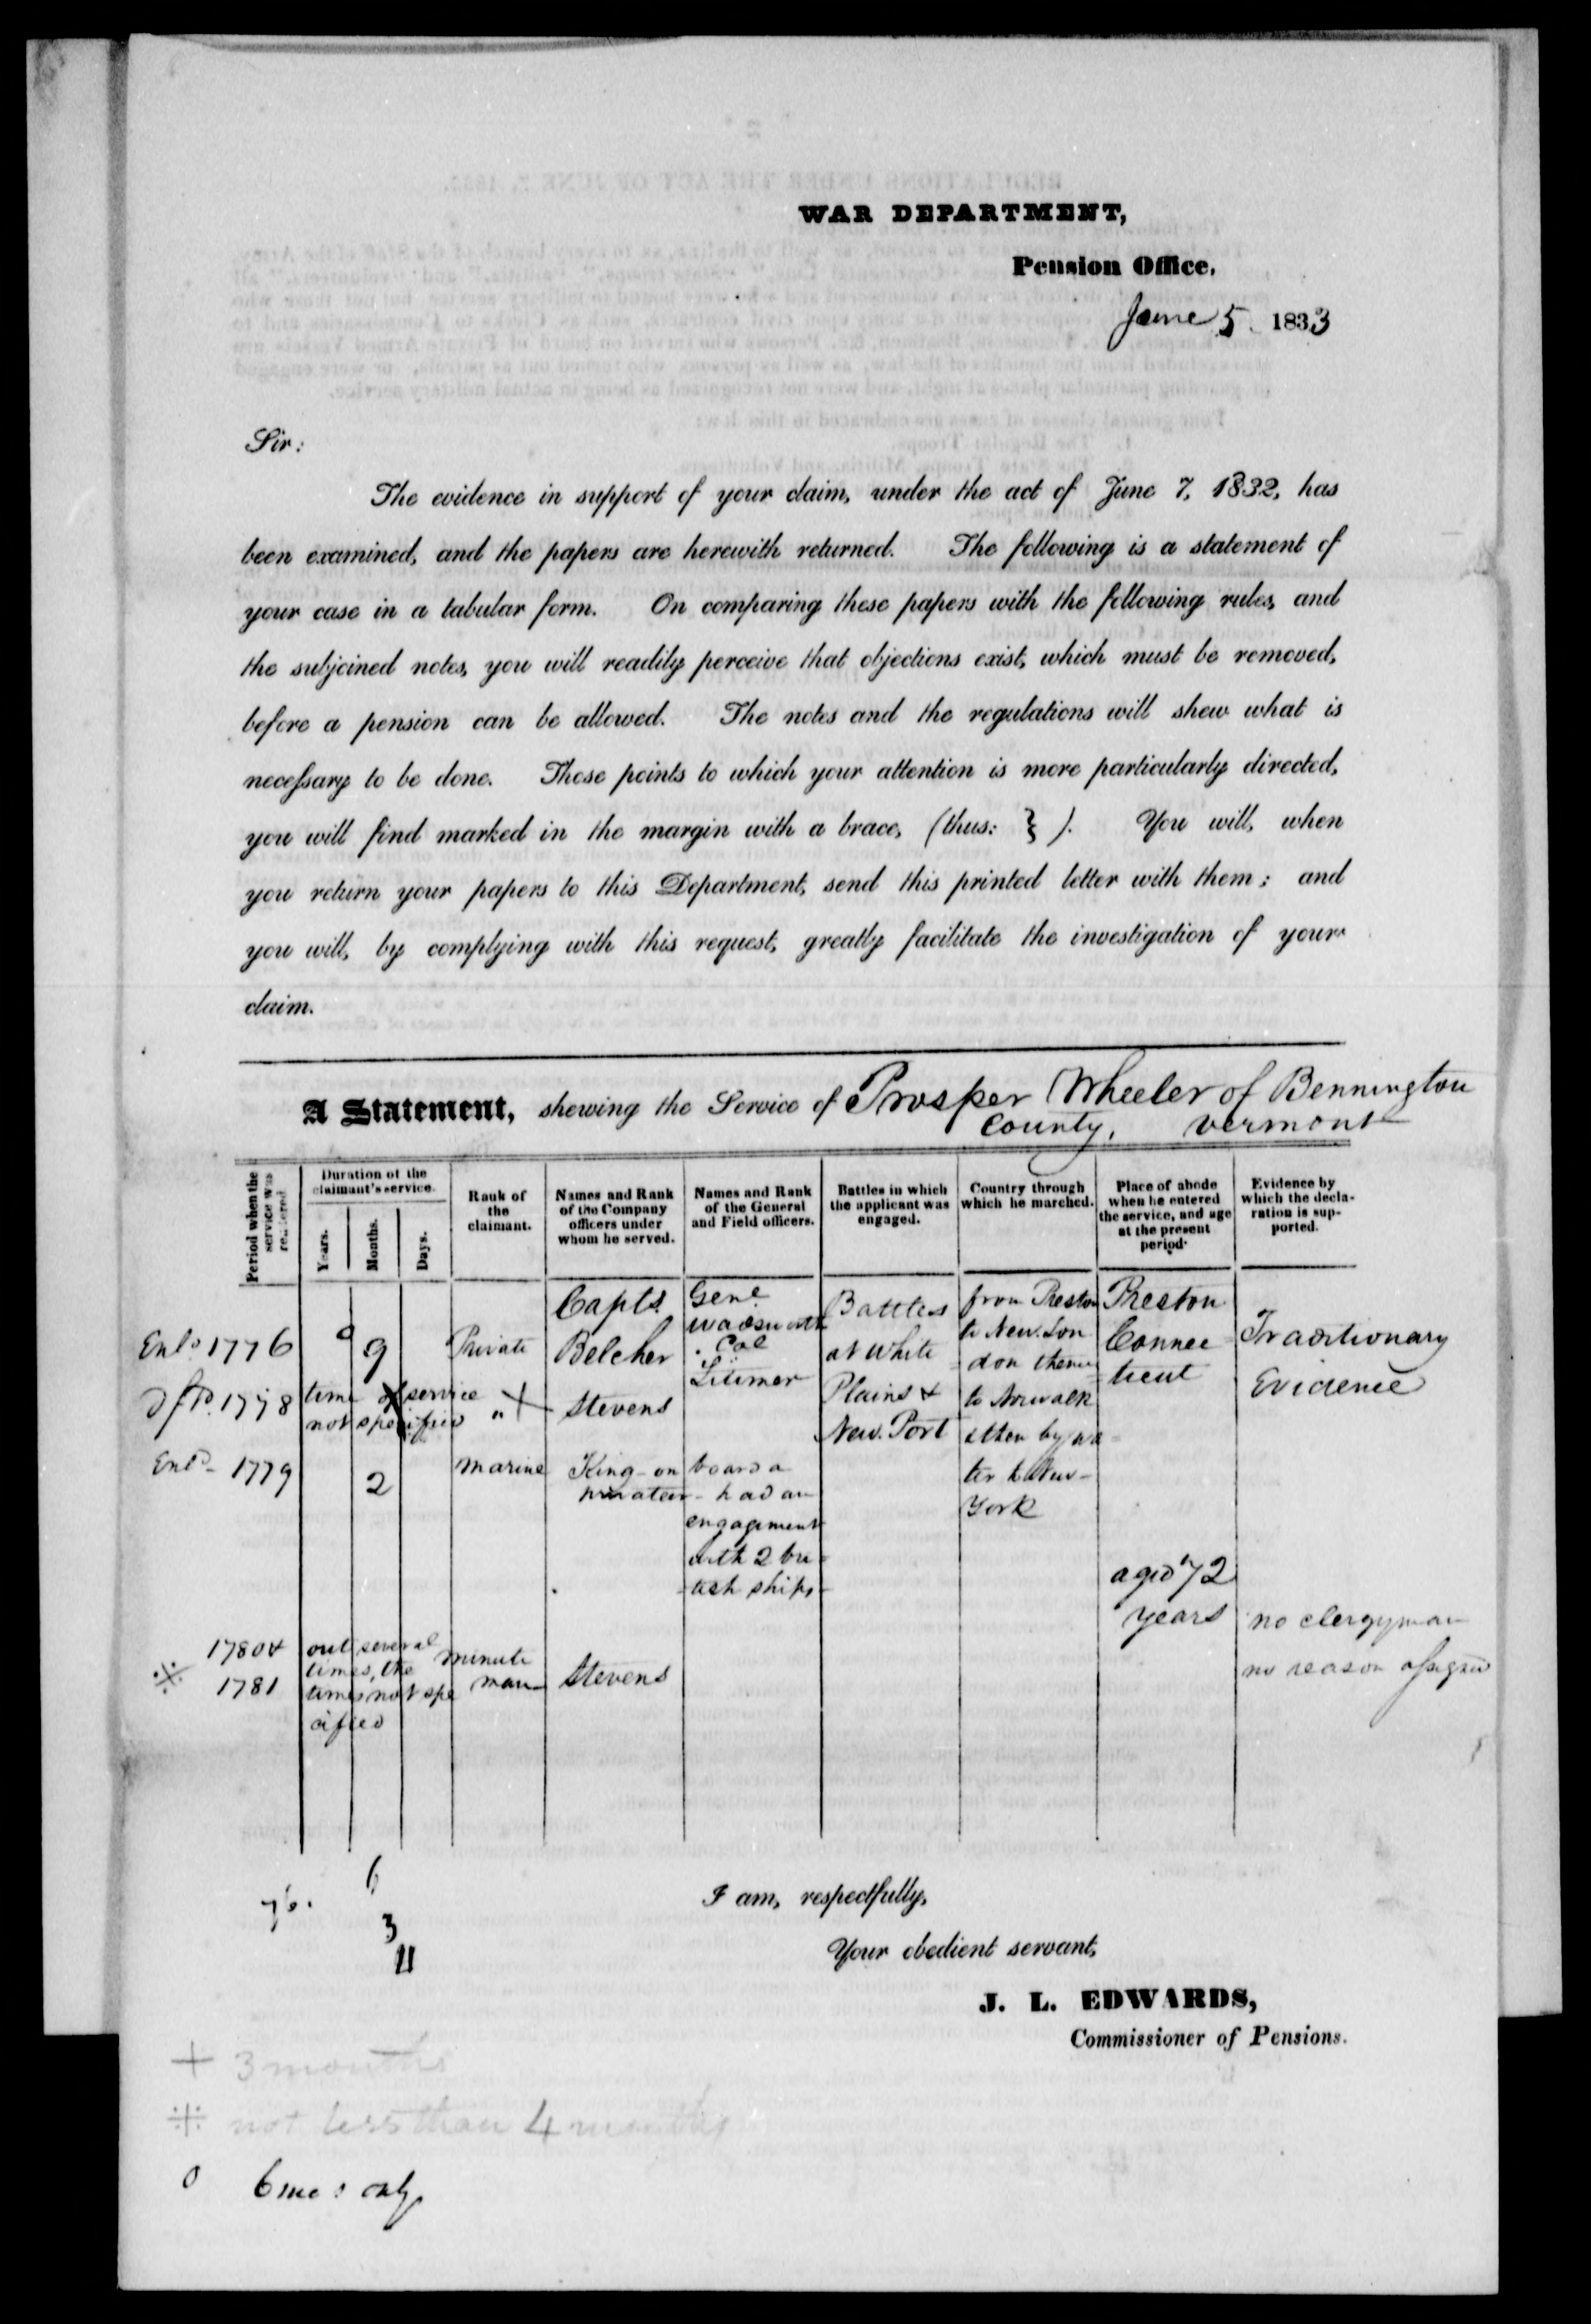WAR DEPARTMENT,
Pension Office,
June 5, 1833

Sir:
The evidence in support of your claim, under the act of June 7, 1832, has been examined, and the papers are herewith returned. The following is a statement of your case in a tabular form. On comparing these papers with the following rules and the subjoined notes, you will readily perceive that objections exist, which must be removed, before a pension can be allowed. the notes and the regulations will shew what is necessary to be done. Those points to which your attention is more particularly directed, you will find marked in the margin with a brace, (thus: } ). You will, when you return your papers to this Department, send this printed letter with them; and you will, by complying with this request, greatly facilitate the investigation of your claim.
━━━━━━━━━━━━━━━━━━━━━━━━━━━━━━━━━━━━━━━━
A Statement, shewing the Service of Prosper Wheeler of Bennington County, Vermont
===========================================================
[Eleven Column Table of Service follows]
Period when the service was rendered. Ent'd 1776 to 1778 [note] time of service not specified
Duration of the Claimant's service. Years. [O]
Duration of the Claimant's service. Months. 9 ✢
Duration of the Claimant's service. Days.
Rank of the claimant. Private
Names and Rank of the Company officers under whom he served. Capts. Belcher  Stevens
Names and Rank of the General and Field officers. Gen'l Wadsworth, Col Liteman
Battles in which the applicant was engaged.Battles at White Plains & New. Port
Country through which he marched. from Preston to New. London thence to Norwalk then by water to New York
Place of abode when he entered the service, and age at the present period. Preston Connecticut
Evidence by which the declaration is supported. Traditionary Evidence

Period when the service was rendered.  Ent'd 1779
Duration of the Claimant's service. Years.  
Duration of the Claimant's service. Months.  2
Duration of the Claimant's service. Days.
Rank of the claimant. marine
Names and Rank of the Company officers under whom he served. King - on board a minataur - 
Names and Rank of the General and Field officers.
Battles in which the applicant was engaged. had an engagement with 2 british ships 
Country through which he marched.
Place of abode when he entered the service, and age at the present period. Preston Connecticut 72 years
Evidence by which the declaration is supported. no clergyman 

Period when the service was rendered. ❈ 1780 & 1781 
Duration of the Claimant's service. Years. out several times, the times not specied.
Duration of the Claimant's service. Months.  
Duration of the Claimant's service. Days.
Rank of the claimant. minute man
Names and Rank of the Company officers under whom he served. Stevens
Names and Rank of the General and Field officers.
Battles in which the applicant was engaged.
Country through which he marched.
Place of abode when he entered the service, and age at the present period.
Evidence by which the declaration is supported. no reason aforesaid

I am, respectfully,
Your obedient servant
J. L. EDWARDS,
Commissioner of Pensions.

[notes]
76. 6
3
11

✢ 3 months
❈ not less than 4 months
[O] 6 mos only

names: Wadsworth, J L Edwards, Belcher, Preston, Prosper Wheeler, Stevens, Litemer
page: 20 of 29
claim: widow's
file: W. 22604, Prosper Wheeler, Conn.